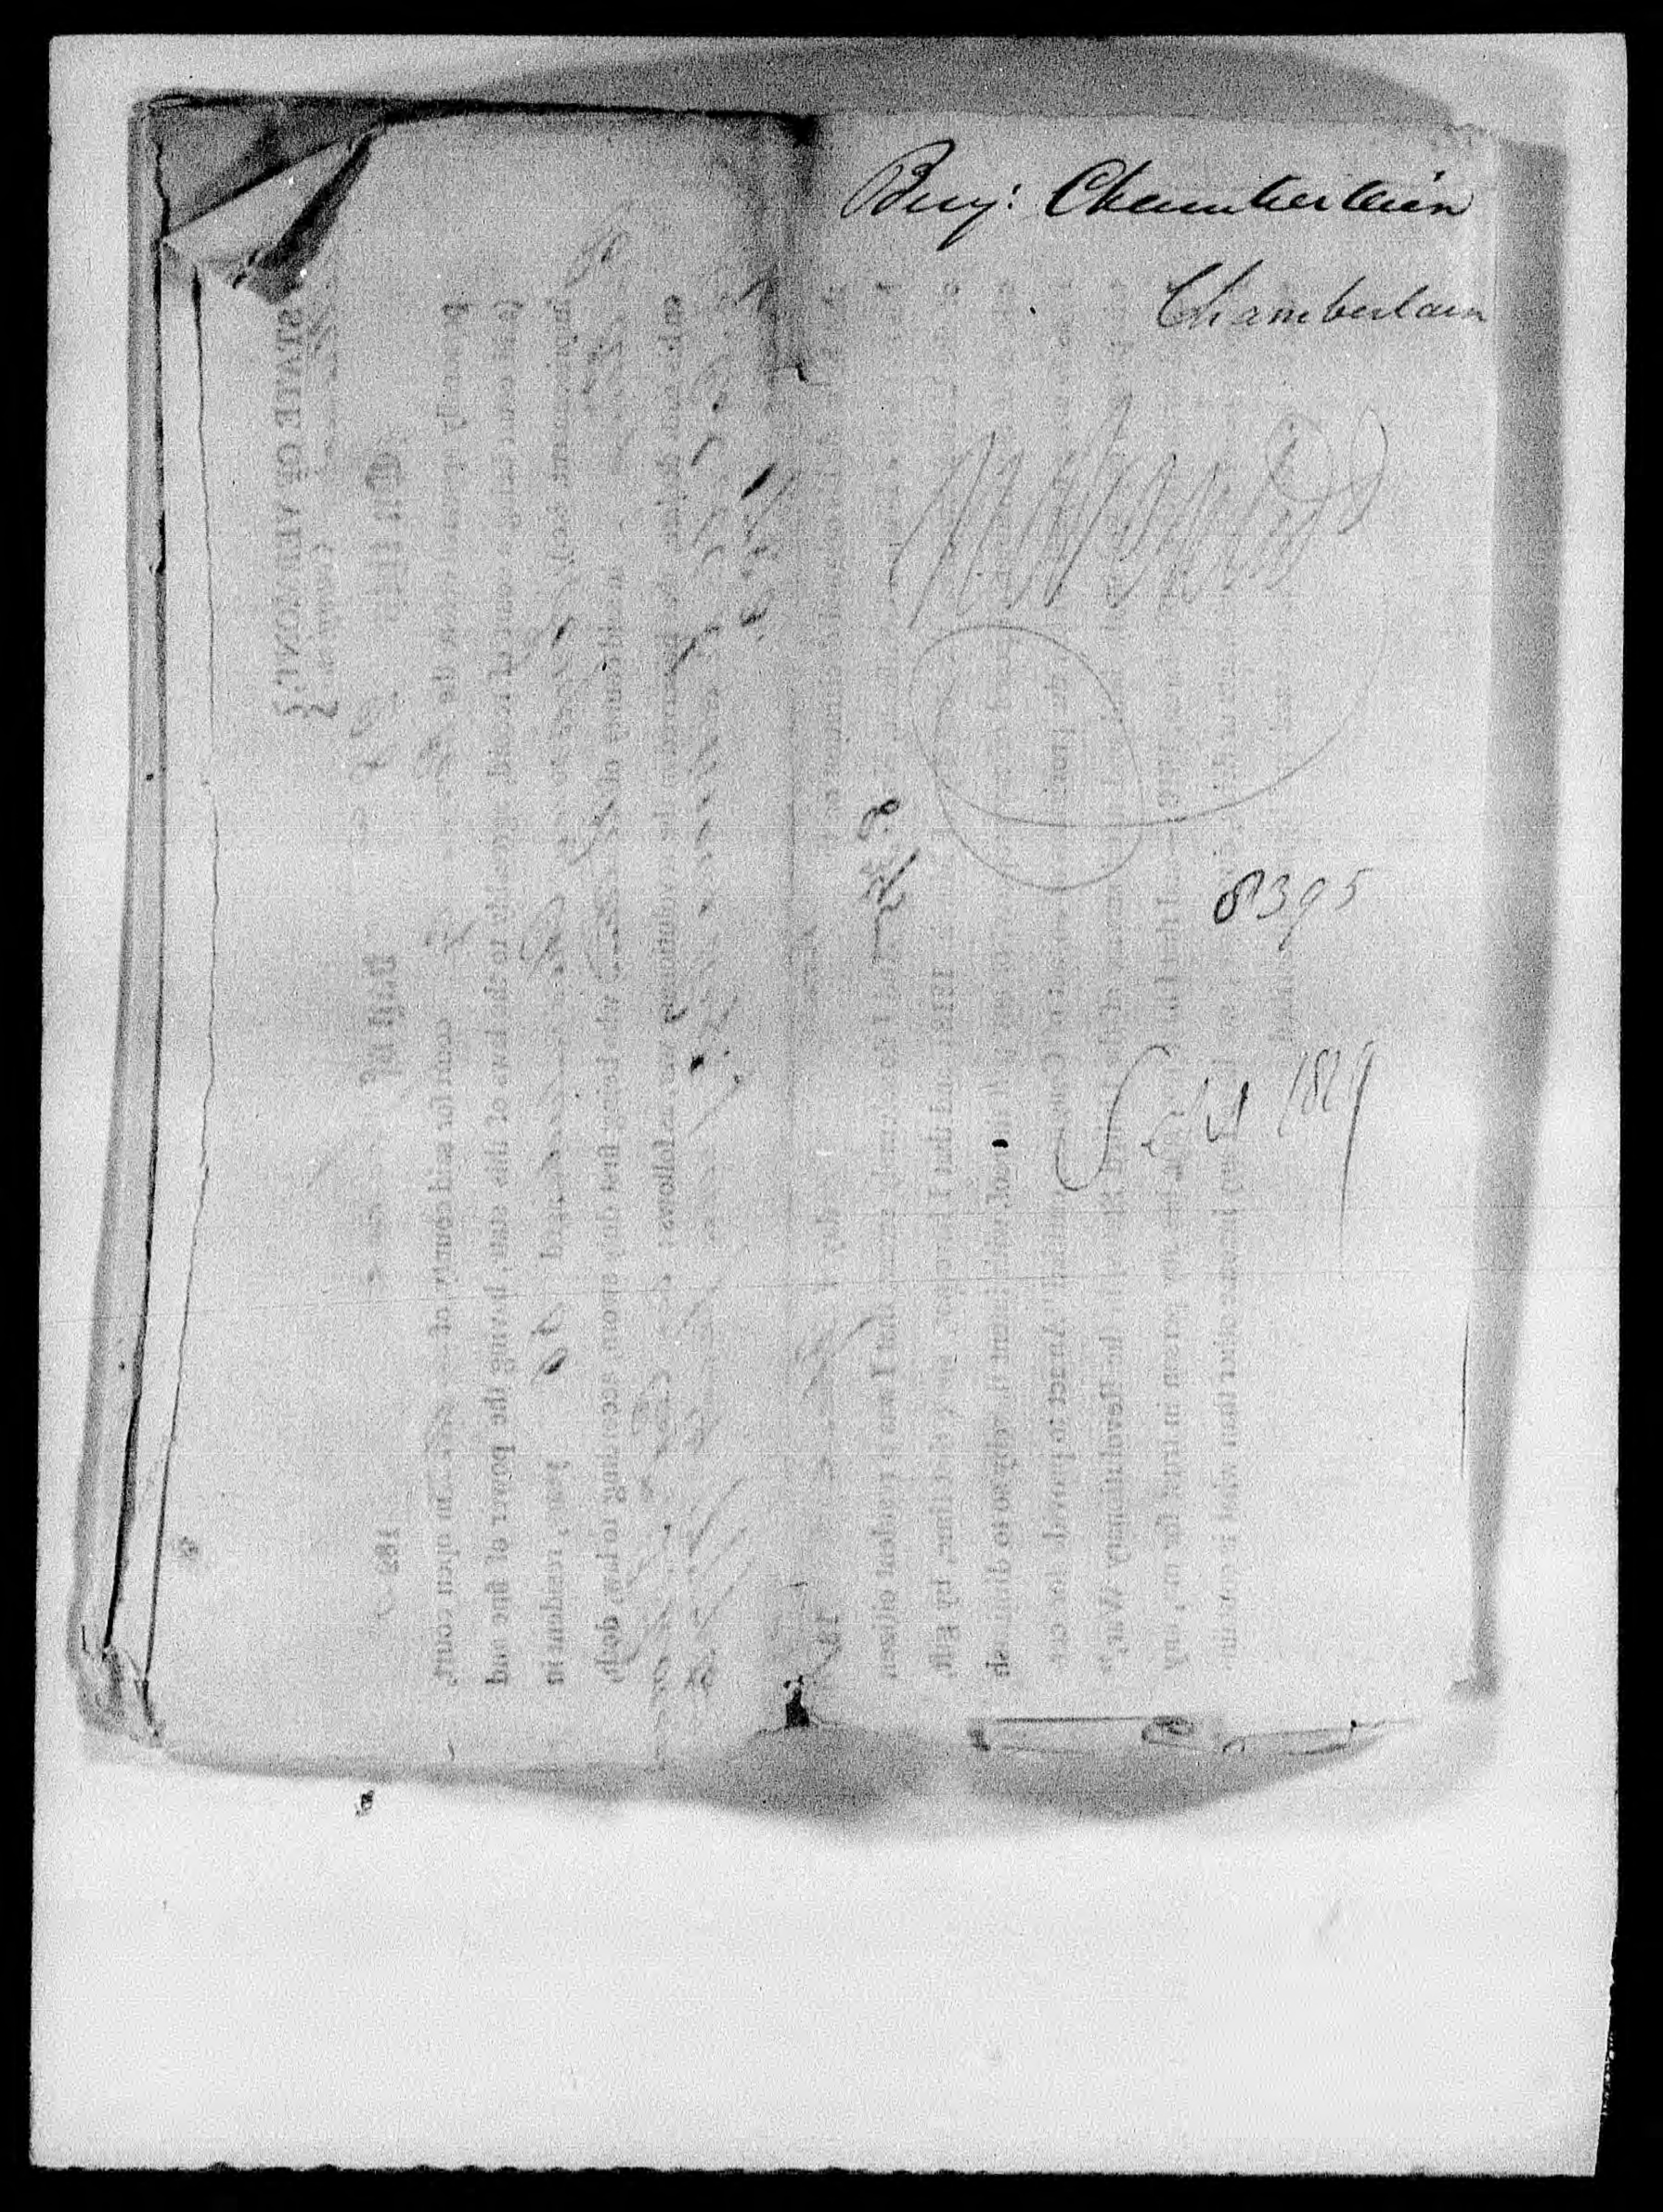Benj Chamberlain
Chamberlain

Not entered  8395
Sent 1829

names: Benj Chamberlain, Chamberlain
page: 21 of 30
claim: survivor's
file: S. 39306, Benjamin Chamberlin, Mass.